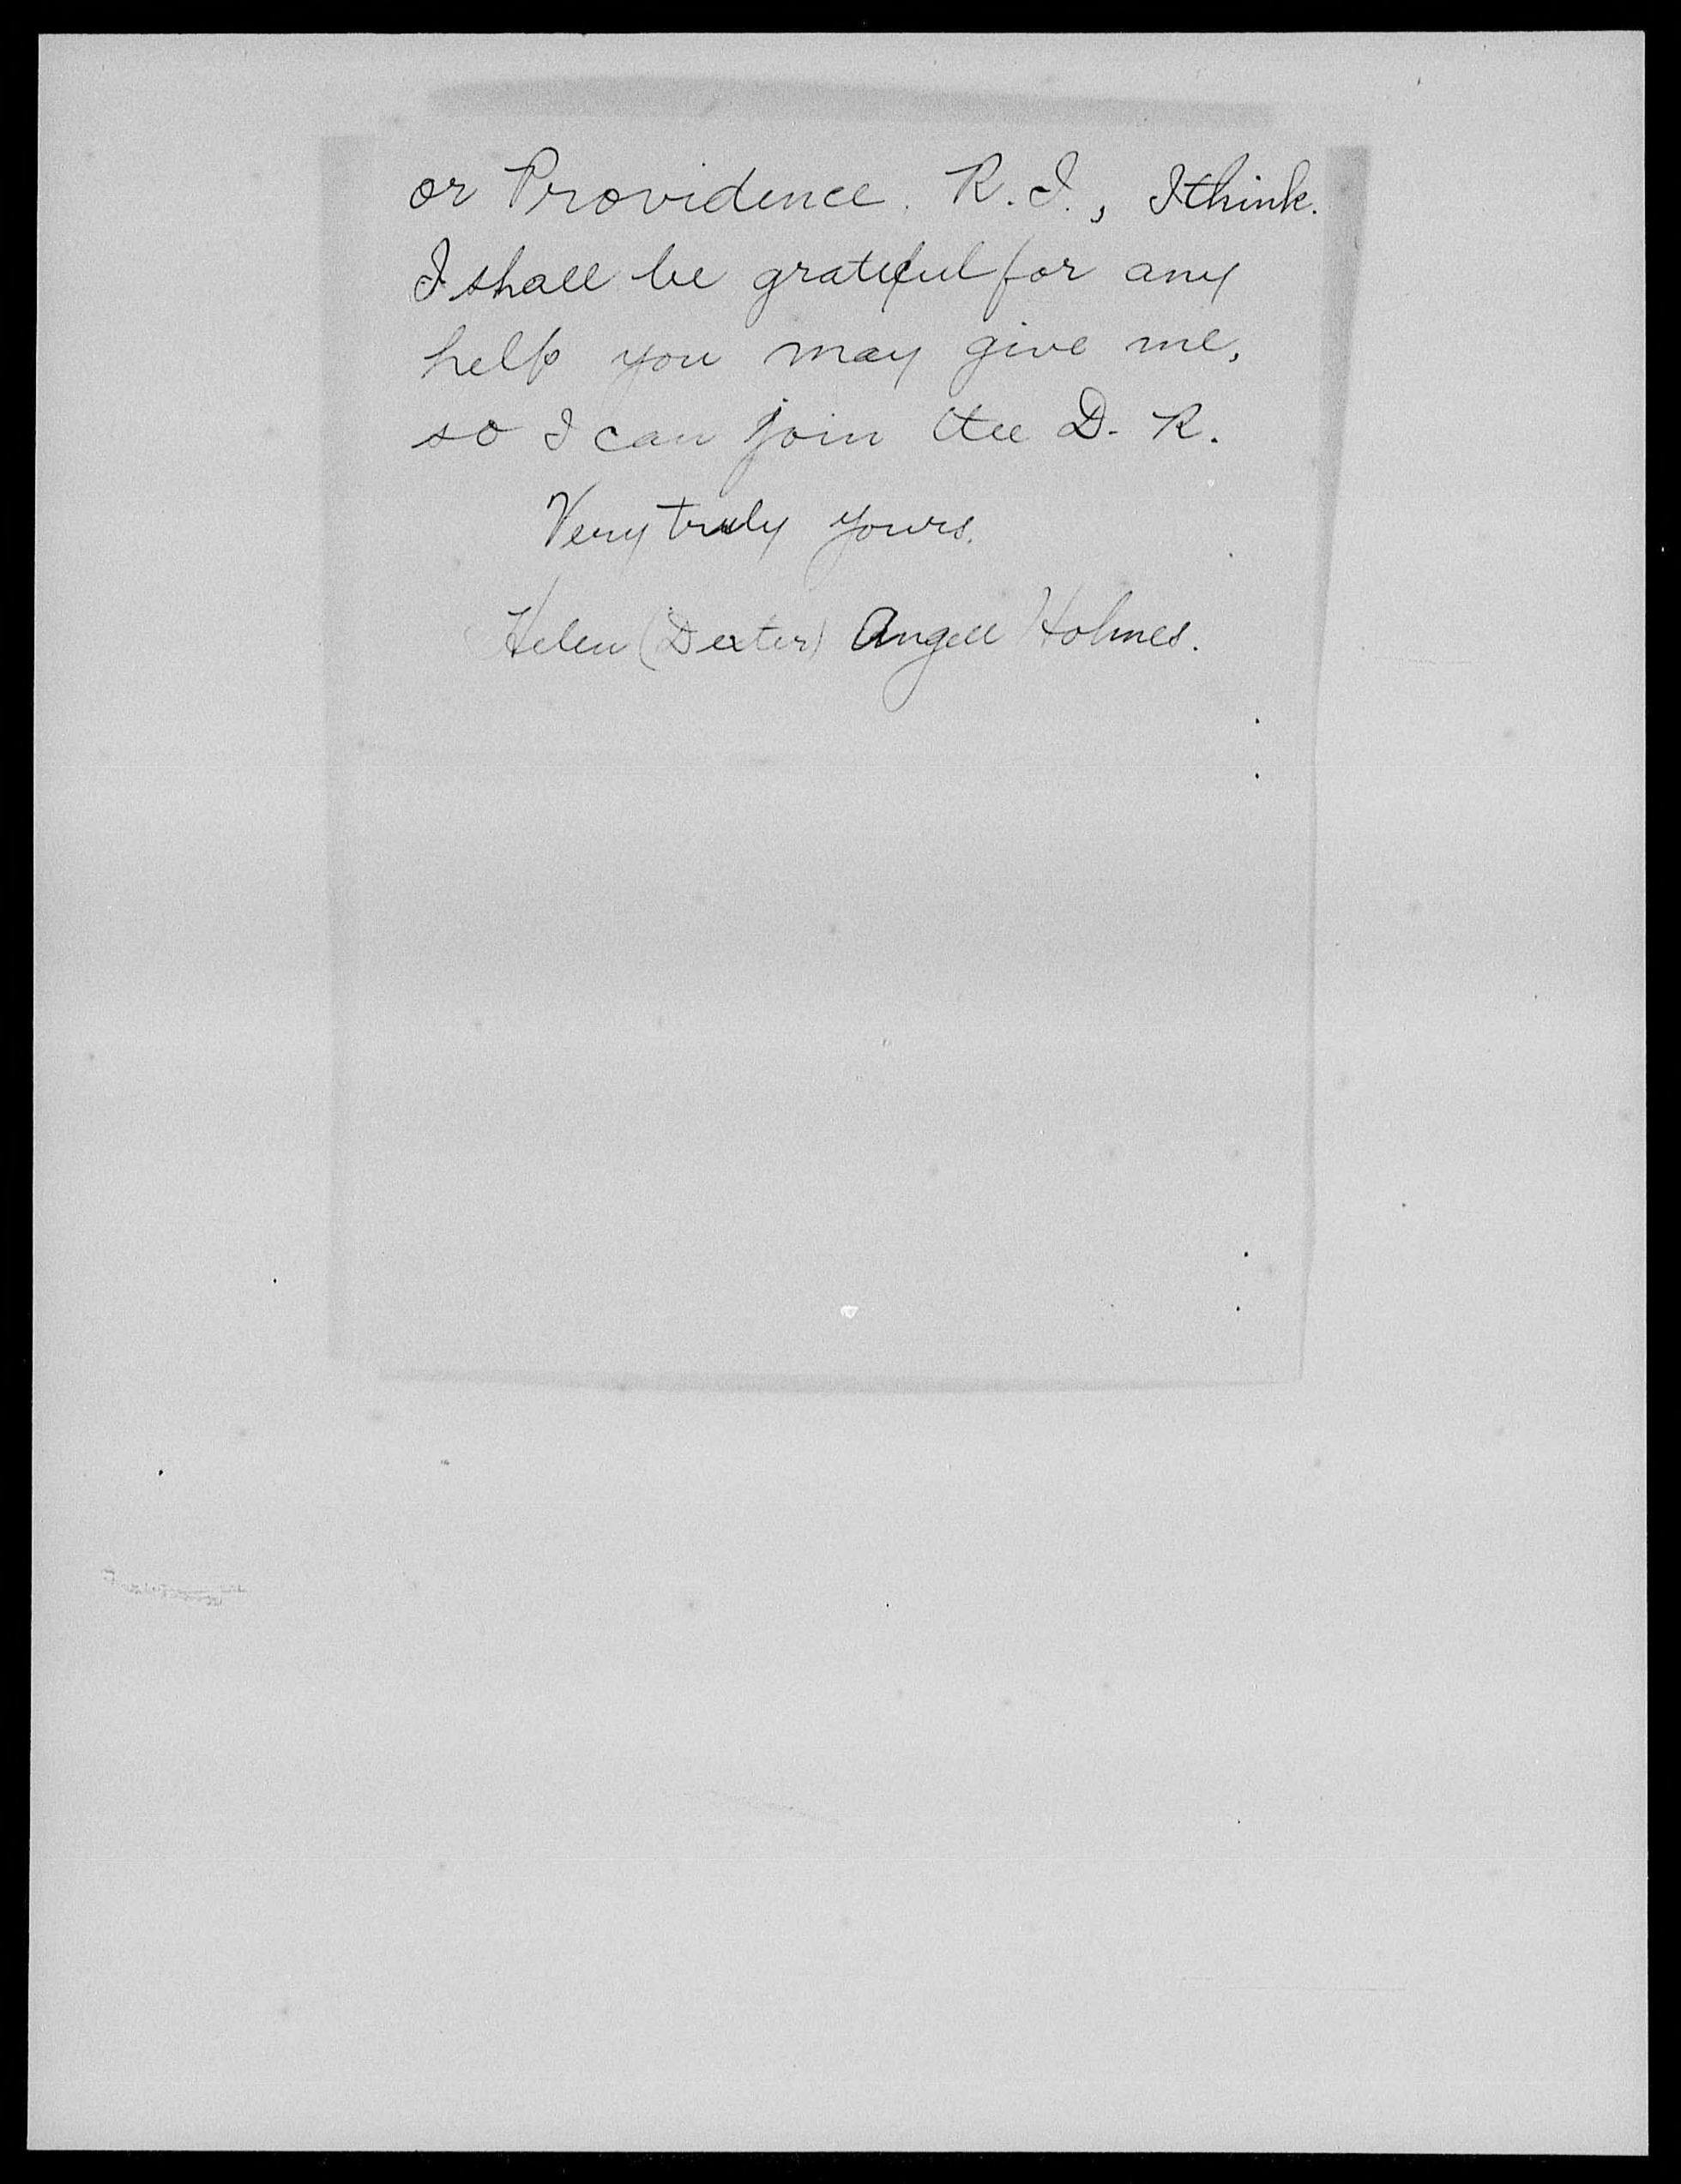or Providence, R. I., I think.
I shall be grateful for any help you may give me, so I can join the D. R.
Very truly yours,
Helen (Dexter) Angell Holmes.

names: Angell Holmes, Helen Dexter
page: 19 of 35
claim: survivor's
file: S. 18374, Nathan Dexter, R.I.